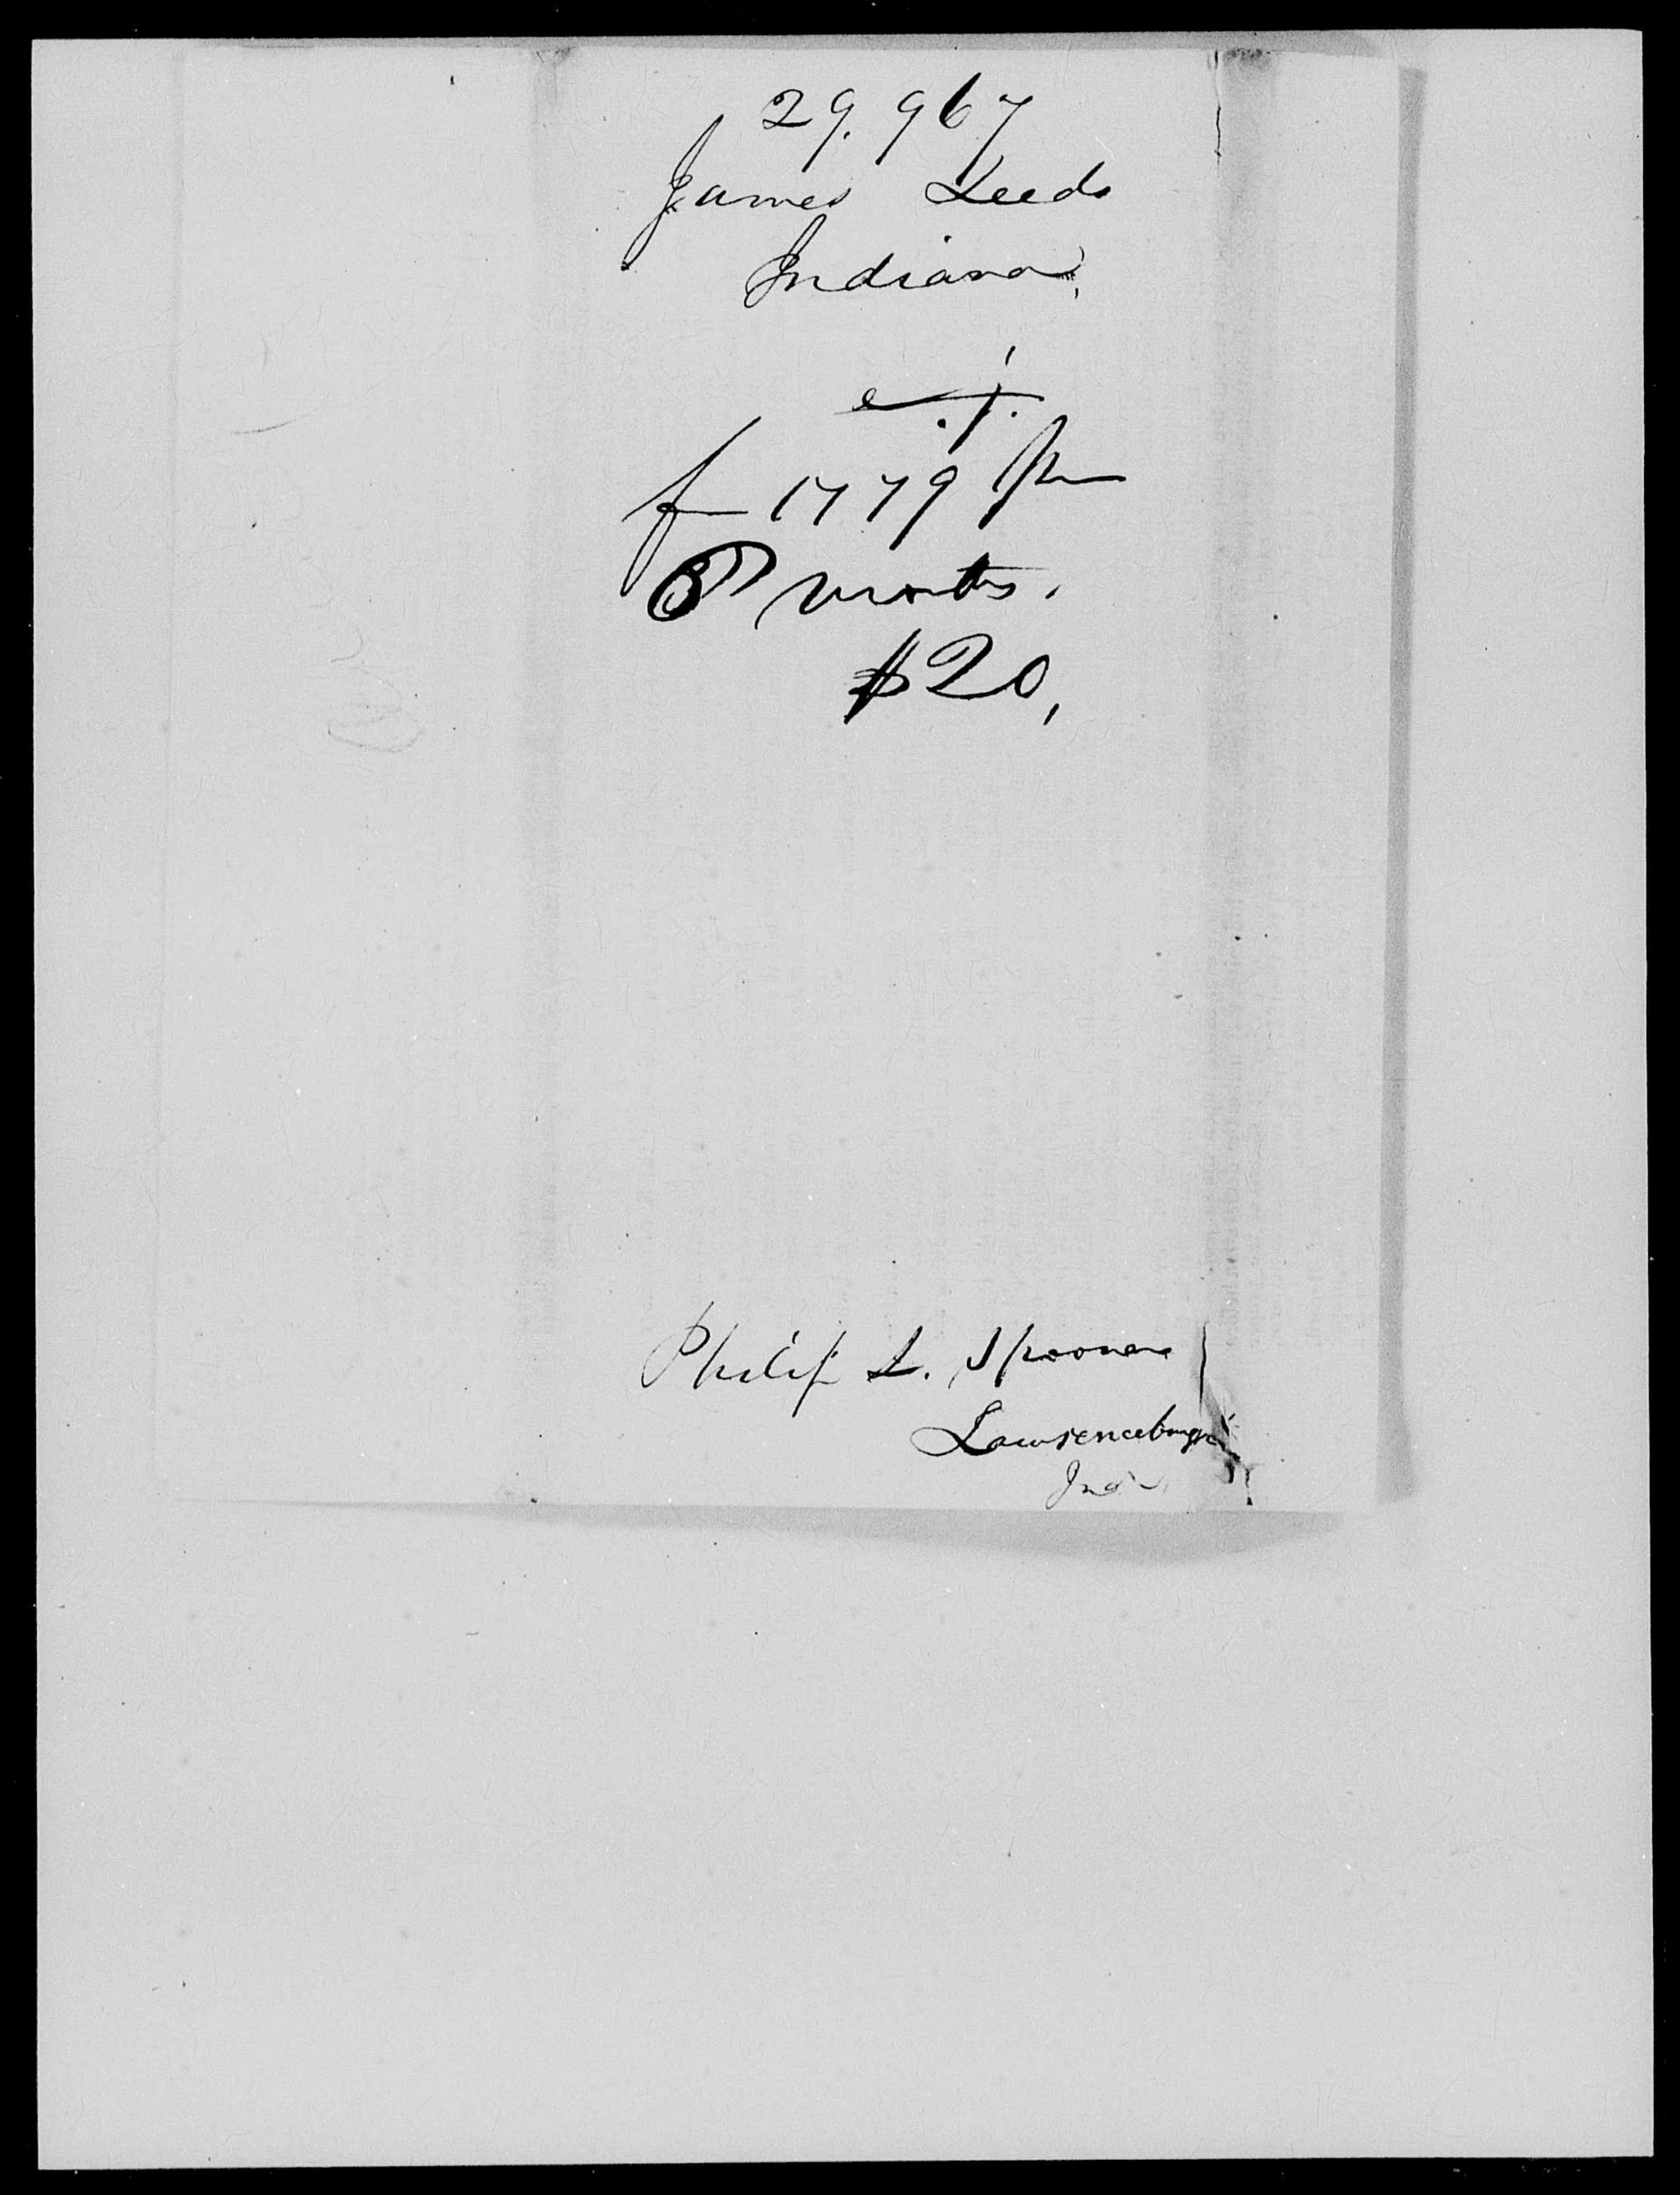29.967
James Leeds
Indiana

[illegible]

f1779   [illegible]

[illegible]

$20.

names: James Leeds; Philip L Spooner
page: 10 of 38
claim: survivor's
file: S 31817, for James Leeds, New Jersey